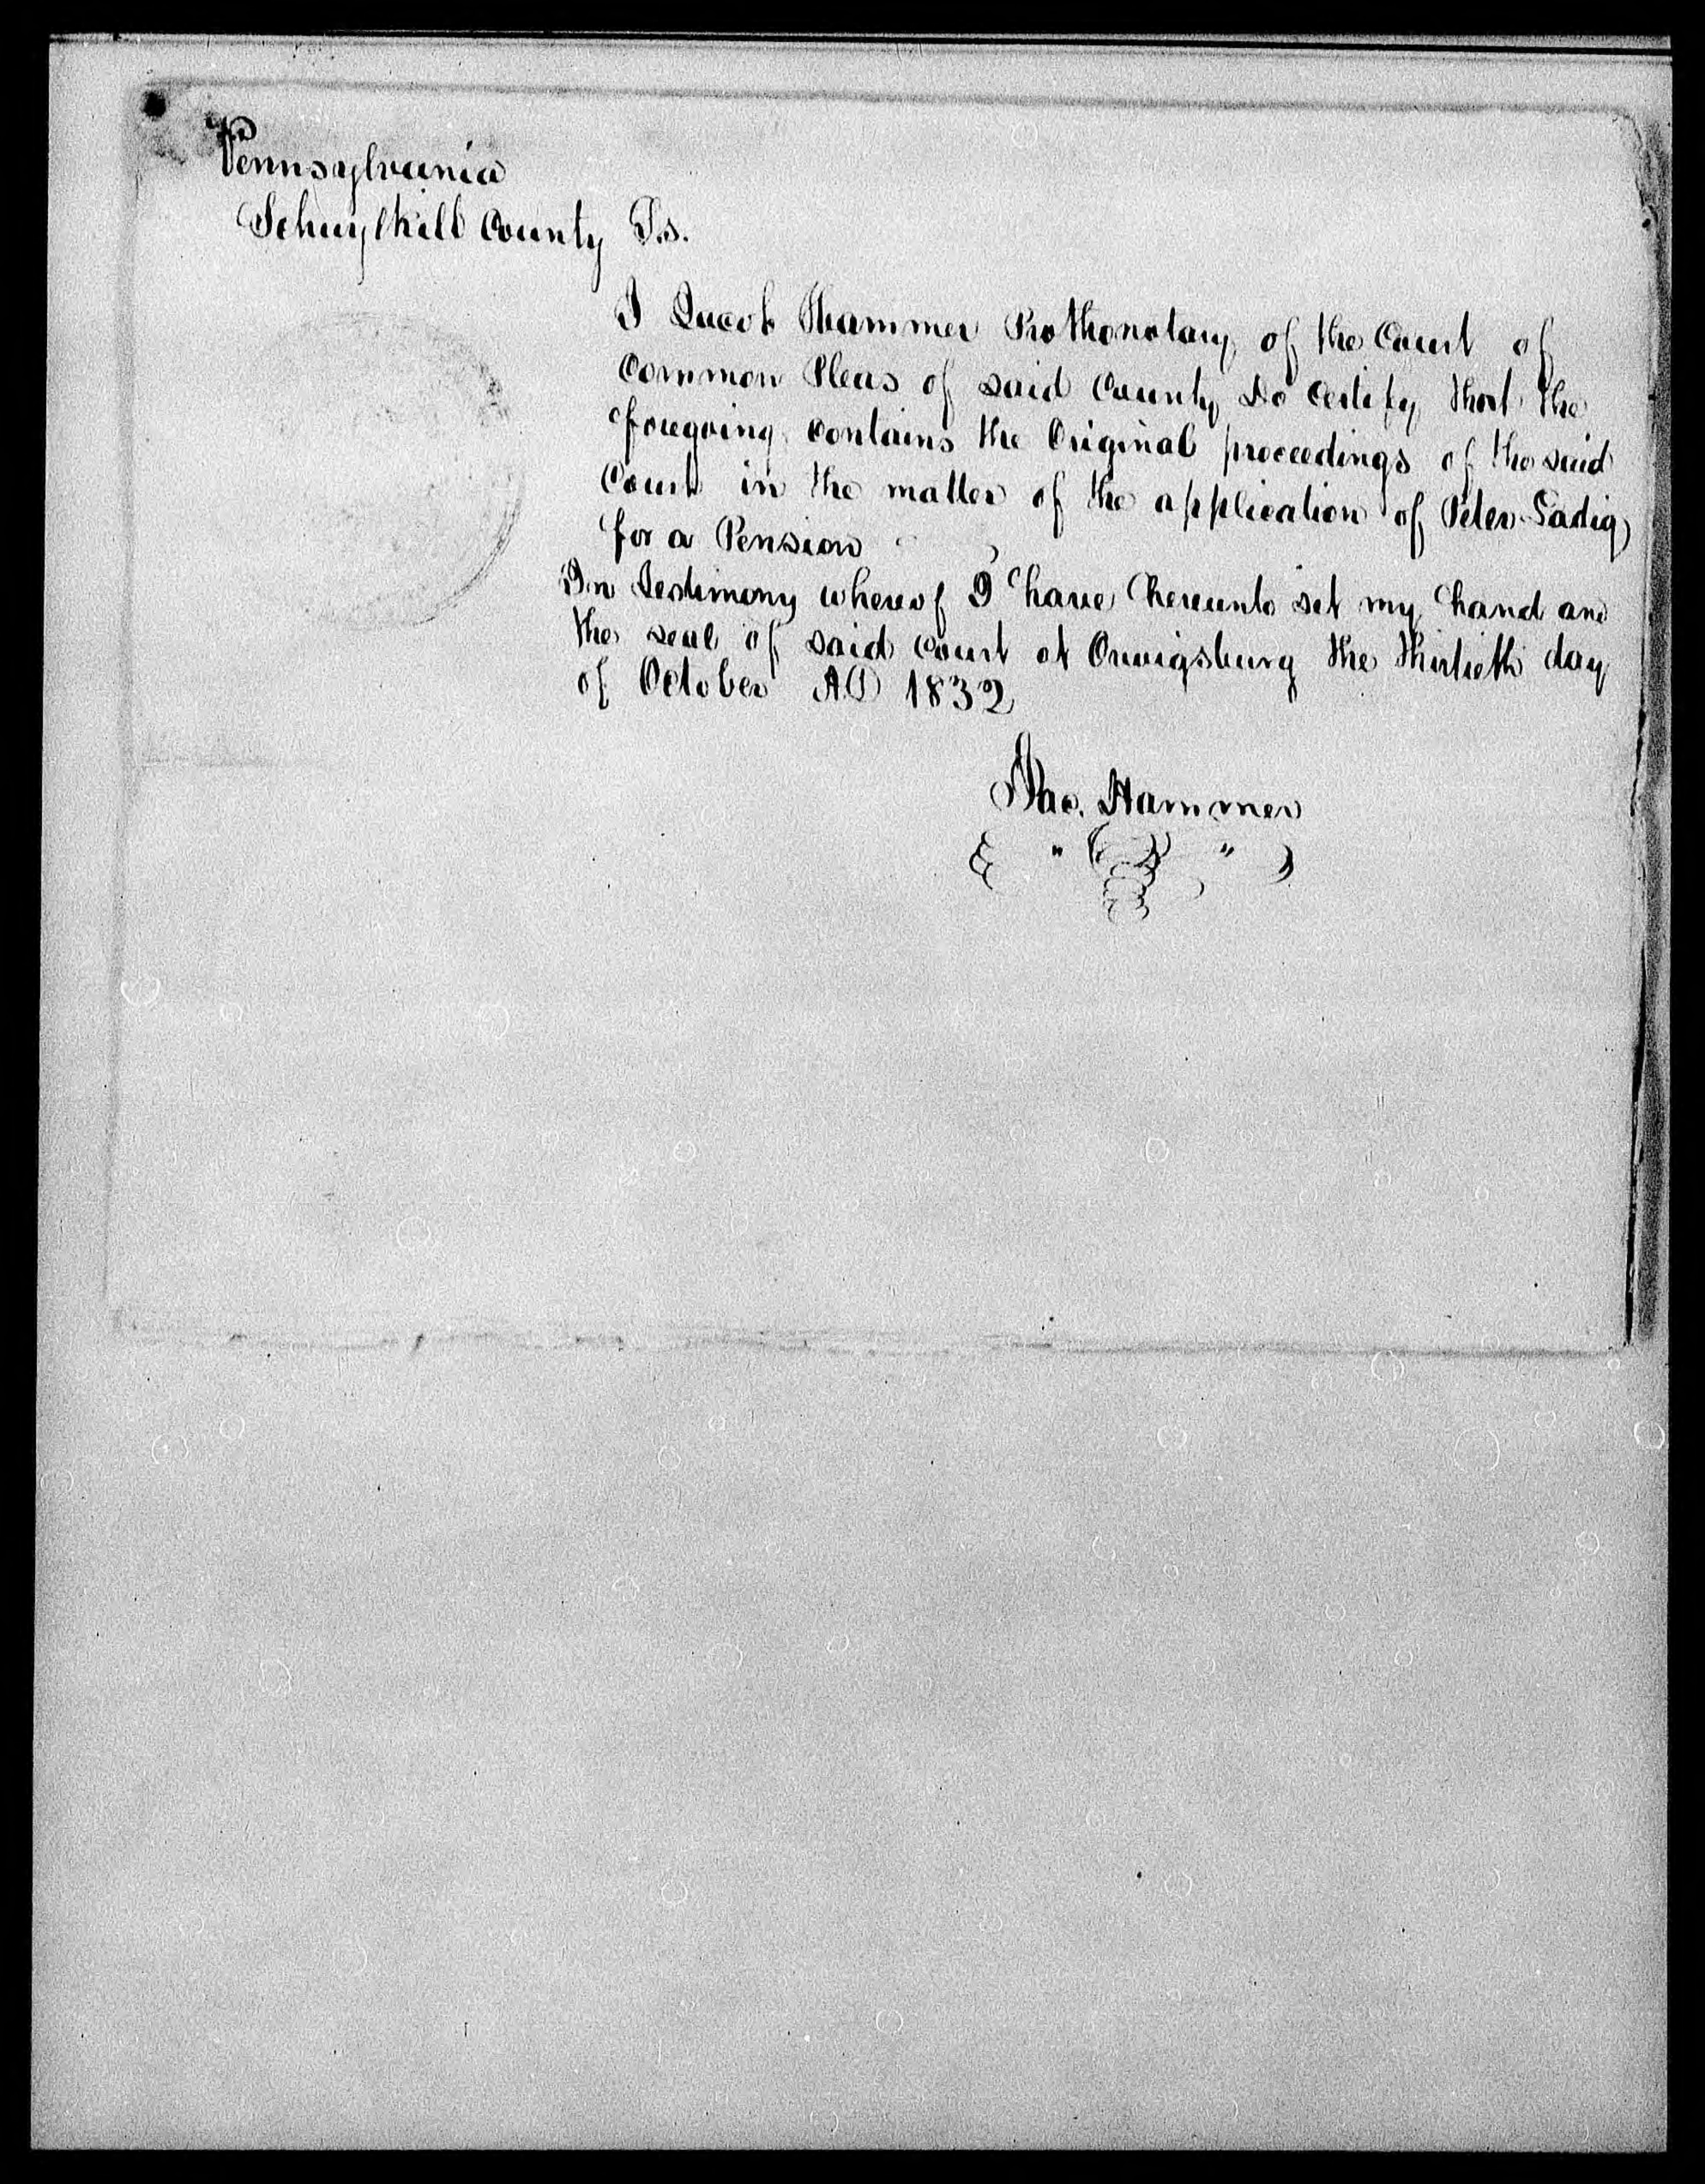Pennsylvania
Schuylkill County s.s.

I Jacob Hammer Prothonotary of the Court of common pleas of said county do certify that the foregoing contains the original proceedings of the said court in the matter of the application of Peter Ladig for a pension
In testimony whereof I have hereunto set my hand and the seal of said court of Orwigsburg the thirtieth day of October A.D. 1832

Jac. Hammer [signature]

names: Peter Ladig; Jacob Hammer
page: 9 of 17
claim: survivor's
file: S. 4499, for Peter Ladig, Pennsylvania